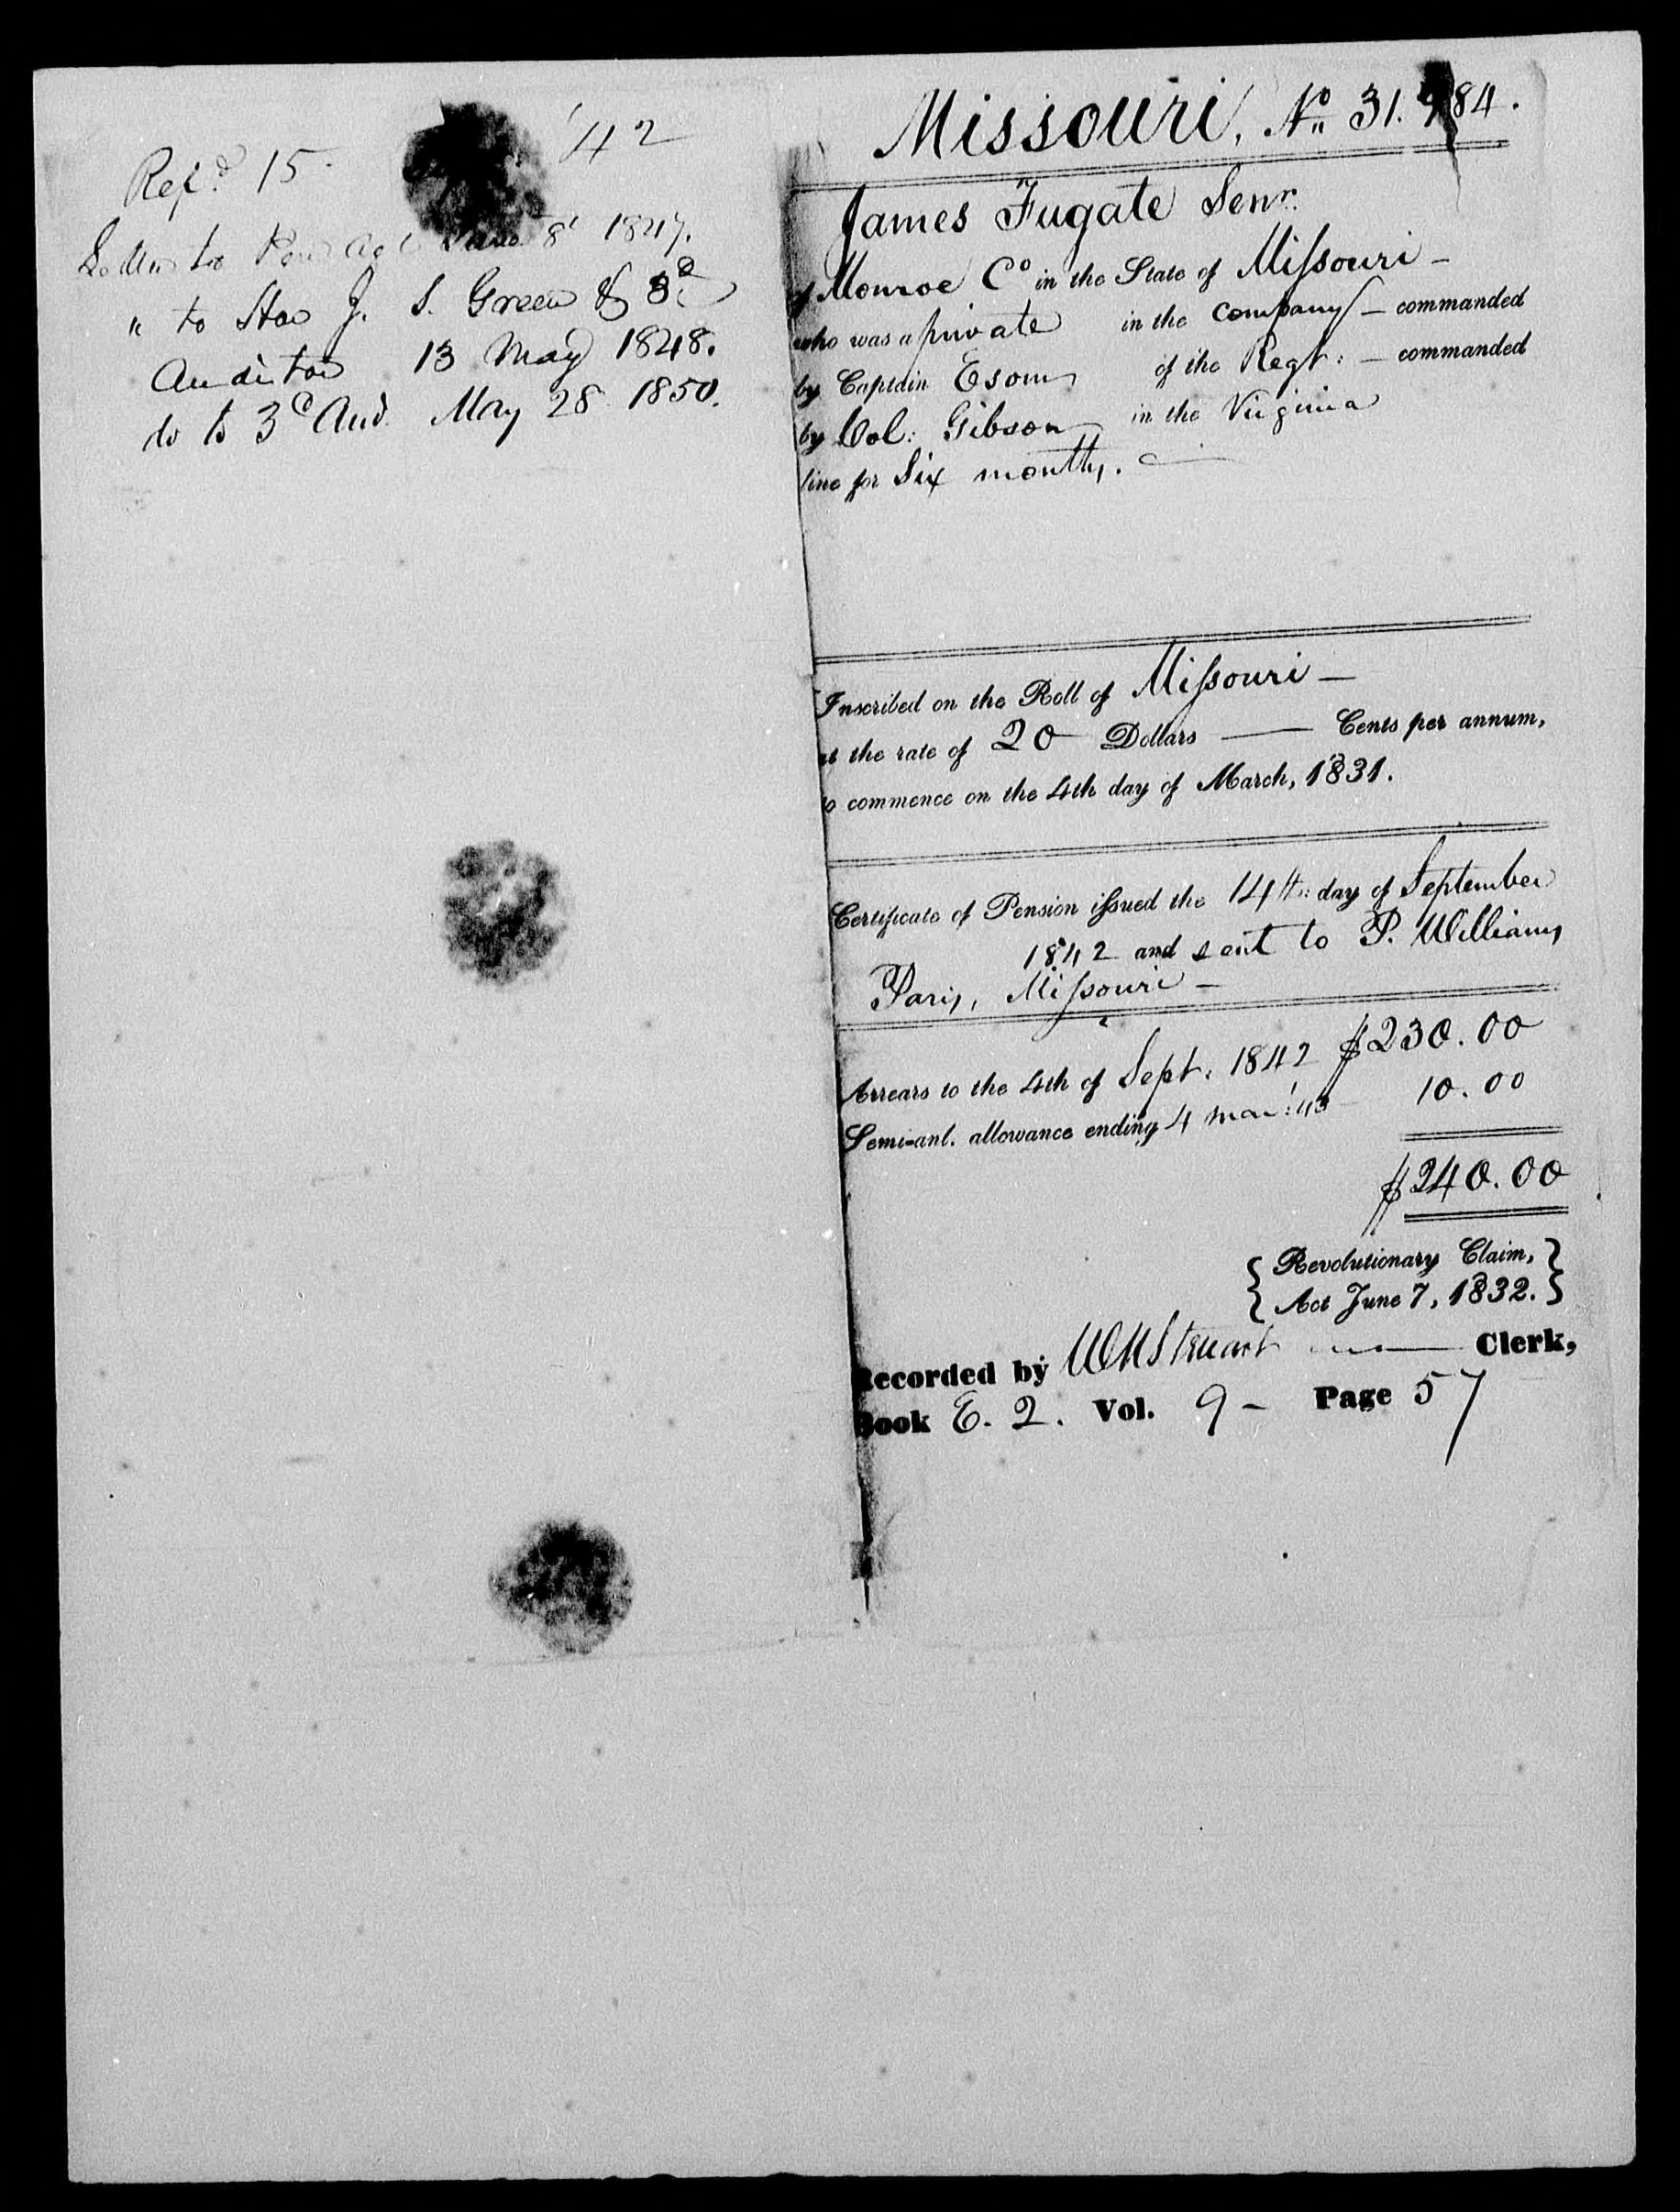Ref: 15 [ink-blotted] '42 [illegible] to [illegible] agt [ink-blotted][illegible] 1847 to [illegible] J. S. Green of [illegible] Audited 13 May 1848. [illegible] 3 @ [per] Aud. May 28 1850.

Missouri, No. 31.984. James Fugate Senr. of Monroe Co. in the State of Missouri who was a private in the company commanded by Captain Esom of the Regt. commanded by Col. Gibson in the Virginia line for six months. 

Inscribed on the Roll of Missouri at the rate of 20 Dollars [0] Cents per annum, to commence on the 4th day of March, 1831. 

Certificate of Pension issued the 14th day September 1842 and sent to P. Williams Paris, Missouri. 

Arrears to the 4th of Sept. 1842 $230.00 Semi-anl. allowance ending 4 Mar. '43 10.00 [total] $240.00 Revolutionary Claim, Act June 7, 1832. Recorded by W.M. Steuart Clerk, Book E. 2. Vol. 9 Page 57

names: Esom, J S Green, Gibson, P Williams, W M Steuart, James Fugate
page: 2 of 18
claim: survivor's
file: S. 15,846, James Fugate, Va.